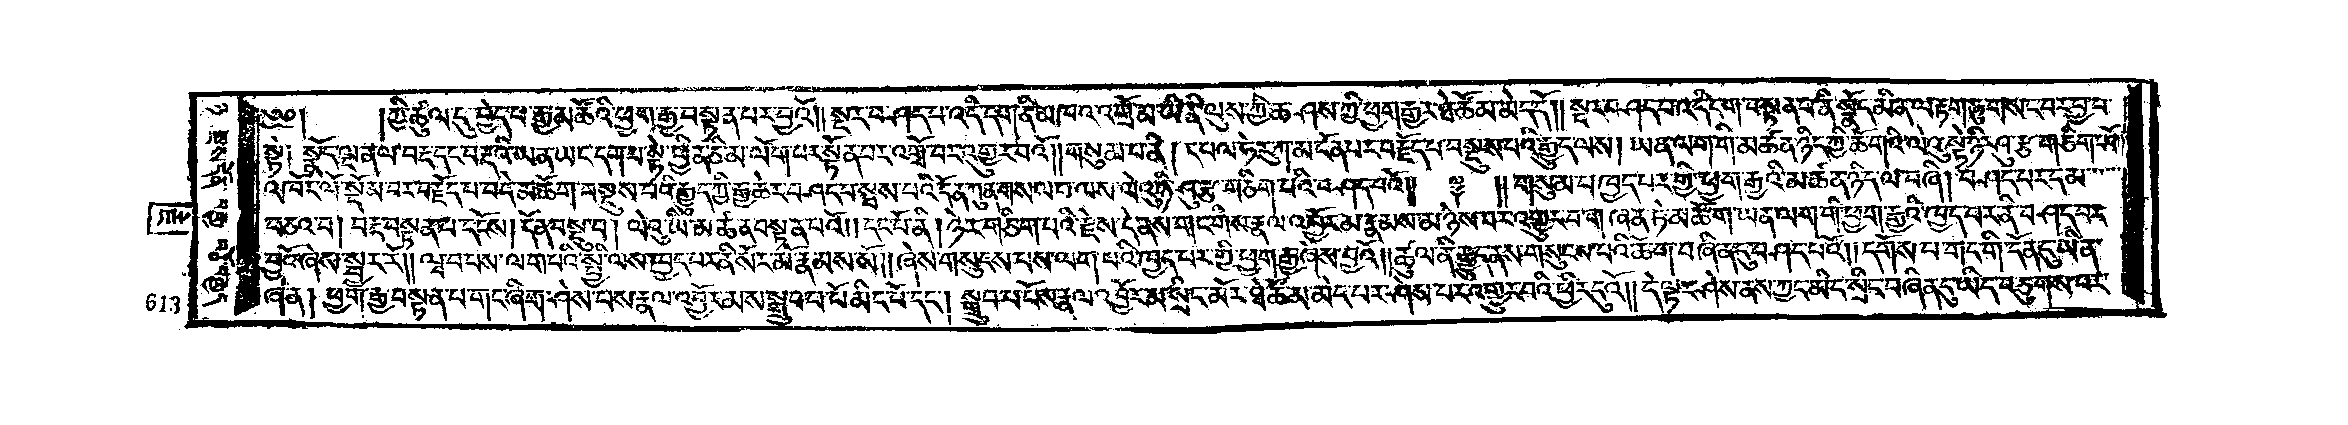༄༅། །ཀྱི་ཚུལ་དུ་བྱེད་པ་རྒྱ་མཚོའི་ཕྱག་རྒྱ་བསྟན་པར་བྱའོ། །སྔར་བཤད་པ་འདི་དག་ནི་མཁའ་འགྲོ་མ་ཡི་ནི་ལུས་ཀྱི་ཆ་ཤས་ཀྱི་ཕྱག་རྒྱར་ཐེ་ཚོམ་མེད་དོ། །སྔར་བཤད་པ་འདི་དག་བསྟན་པ་ནི་སྣོད་མིན་ལ་རྟག་ཏུ་གསང་བར་བྱ་བ་
སྟེ། སྣོད་ལྡན་ལ་བརྡ་དང་བརྡའི་ཡན་ཡང་དག་པ་སྟེ་ཕྱིན་ཅི་མ་ལོག་པར་སྟོན་པར་འགྲོ་བར་འགྱུར་བའོ། །གསུམ་པ་ནི། དཔལ་ཧེ་རུ་ཀ་མངོན་པར་བརྗོད་པ་བསྡུས་པའི་རྒྱུད་ལས། ཡན་ལག་གི་མཚན་ཉིད་ཀྱི་ཆོ་གའི་ལེའུ་སྟེ་ཉི་ཤུ་རྩ་གཅིག་པའོ། །
འཁོར་ལོ་སྡོམ་པར་བརྗོད་པ་བདེ་མཆོག་བསྡུས་པའི་རྒྱུད་ཀྱི་རྒྱ་ཆེར་བཤད་པ་སྦས་པའི་དོན་ཀུན་གསལ་བ་ལས་ལེའུ་ཉི་ཤུ་རྩ་གཅིག་པའི་བཤད་པའོ།། ༈ །།གསུམ་པ་ཁྱད་པར་གྱི་ཕྱག་རྒྱའི་མཚན་ཉིད་ལ་བཞི། བཤད་པར་དམ་
བཅའ་བ། བརྡ་བསྟན་པ་དངོས། དོན་བསྡུ་བ། ལེའུ་ཡི་མཚན་བསྟན་པའོ། །དང་པོ་ནི། ཉེར་གཅིག་པའི་རྗེས་དེ་ནས་གང་གིས་རྣལ་འབྱོར་མ་རྣམས་མཉེས་པར་འགྱུར་བ་གཞན་ཏེ་མཆོག་ཡན་ལག་གི་ཕྱག་རྒྱའི་ཁྱད་པར་ནི་བཤད་པར་
བྱའོ་ཞེས་སྦྱར་རོ། །ལྭ་བ་པས་ལག་པའི་སྤྱི་ལས་ཁྱད་པར་ནི་སོར་མོ་རྣམས་སོ། །ཞེས་གསུངས་པས་ལག་པའི་ཁྱད་པར་གྱི་ཕྱག་རྒྱ་ཞེས་བྱའོ། །ཚུལ་ནི་རྒྱུད་ནས་གསུངས་པའི་ཆོ་ག་བཞིན་དུ་བཤད་པའོ། །དགོས་པ་གང་གི་དོན་དུ་ཡིན་
ཞེ་ན། ཕྱག་རྒྱ་བསྟན་པ་གང་ཞིག་ཤེས་པས་རྣལ་འབྱོར་མས་སྒྲུབ་པ་པོ་མིང་པོ་དང་། སྒྲུབ་པ་པོས་རྣལ་འབྱོར་མ་སྲིང་མོར་ཐེ་ཚོམ་མེད་པར་ཤེས་པར་འགྱུར་བའི་ཕྱིར་དུའོ། །དེ་ལྟར་ཤེས་ནས་ཀྱང་མིད་སྲིད་བཞིན་དུ་ཡིད་བཅུགས་པར་